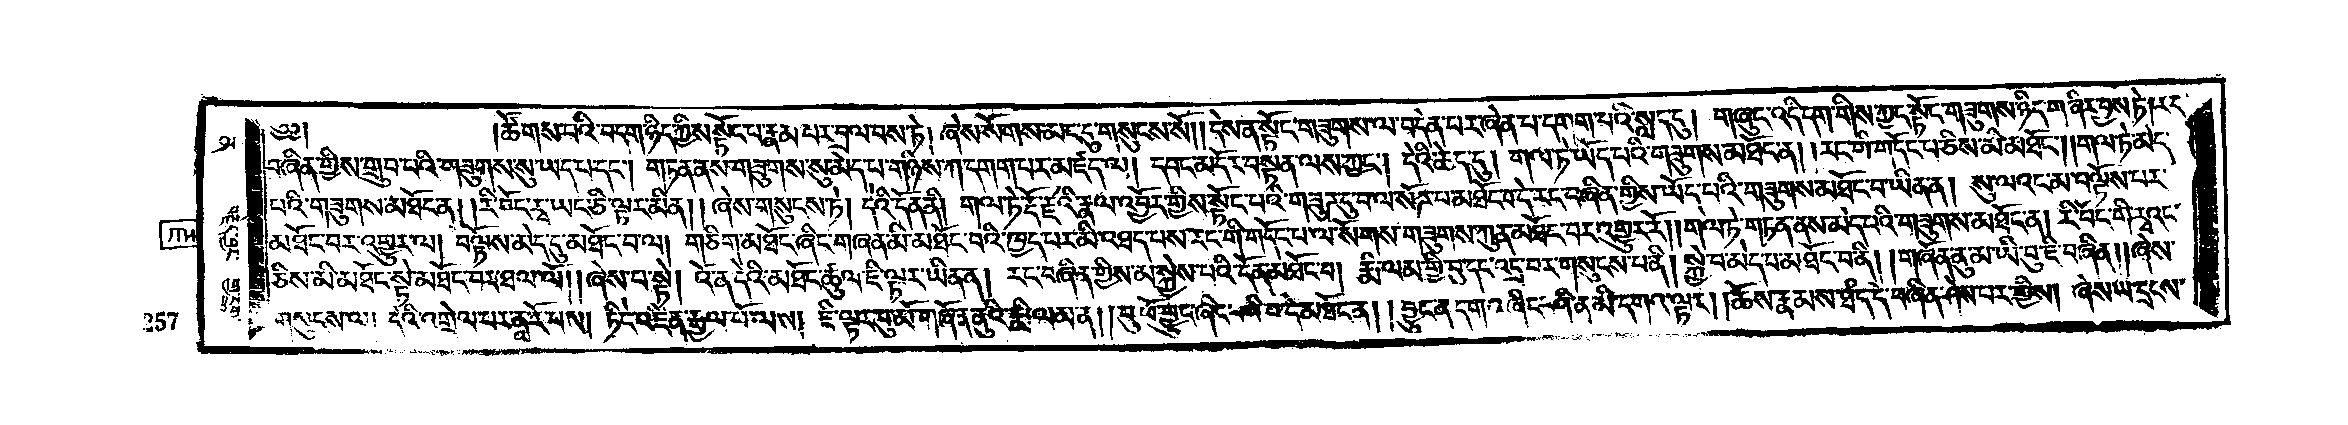༄༅། །ཚོགས་པའི་བདག་ཉིད་ཀྱིས་སྟོང་པ་རྣམ་པར་བྲལ་བས་ཏེ། ཞེས་སོགས་མང་དུ་གསུངས་སོ། །དེས་ན་སྟོང་གཟུགས་ལ་བདེན་པར་ཞེན་པ་དགག་པའི་སླད་དུ། གཞུང་འདི་དག་གིས་ཀྱང་སྟོང་གཟུགས་ཉིད་གཞིར་བྱས་ཏེ། རང་
བཞིན་གྱིས་གྲུབ་པའི་གཟུགས་སུ་ཡོད་པ་དང་། གཏན་ནས་གཟུགས་སུ་མེད་པ་གཉིས་ཀ་དགག་པར་མཛད་ལ། དབང་མདོར་བསྟན་ལས་ཀྱང་། དེའི་ཆེད་དུ། གལ་ཏེ་ཡོད་པའི་གཟུགས་མཐོང་ན། །རང་གི་གདོང་པ་ཅིས་མི་མཐོང་། །གལ་ཏེ་མེད་
པའི་གཟུགས་མཐོང་ན། །རི་བོང་རྭ་ཡང་ཅི་ལྟར་མིན། །ཞེས་གསུངས་ཏེ། དེའི་དོན་ནི། གལ་ཏེ་རྡོ་རྗེའི་རྣལ་འབྱོར་གྱིས་སྟོང་པའི་གཟུགས་དུ་བ་ལ་སོགས་པ་མཐོང་བ་དེ་རང་བཞིན་གྱིས་ཡོད་པའི་གཟུགས་མཐོང་བ་ཡིན་ན། སུ་ལའང་མ་བལྟོས་པར་
མཐོང་བར་འགྱུར་ལ། བལྟོས་མེད་དུ་མཐོང་བ་ལ། གཅིག་མཐོང་ཞིང་གཞན་མི་མཐོང་བའི་ཁྱད་པར་མི་འཐད་པས་རང་གི་གདོང་པ་ལ་སོགས་གཟུགས་ཀུན་མཐོང་བར་འགྱུར་རོ། །གལ་ཏེ་གཏན་ནས་མེད་པའི་གཟུགས་མཐོང་ན། རི་བོང་གི་རྭའང་
ཅིས་མི་མཐོང་སྟེ་མཐོང་བར་ཐལ་ལོ། །ཞེས་པ་སྟེ། འོ་ན་དེའི་མཐོང་ཚུལ་ཇི་ལྟར་ཡིན་ན། རང་བཞིན་གྱིས་མ་སྐྱེས་པའི་དོན་མཐོང་བ། རྨི་ལམ་གྱི་བུ་དང་འདྲ་བར་གསུངས་པ་ནི། སྐྱེ་བ་མེད་པ་མཐོང་བ་ནི། །གཞོན་ནུ་མ་ཡི་བུ་ཇི་བཞིན། །ཞེས་
གསུངས་ལ། དེའི་འགྲེལ་པར་ནཱ་རོ་པས། ཏིང་ངེ་འཛིན་རྒྱལ་པོ་ལས། ཇི་ལྟར་བུ་མོ་གཞོན་ནུའི་རྨི་ལམ་ན། །བུ་ཕོ་བྱུང་ཞིང་ཤི་བ་དེ་མཐོང་ན། །བྱུང་ན་དགའ་ཞིང་ཤི་ན་མི་དགའ་ལྟར། །ཆོས་རྣམས་ཐམས་ཅད་དེ་བཞིན་ཤེས་པར་གྱིས། ཞེས་པ་དྲངས་